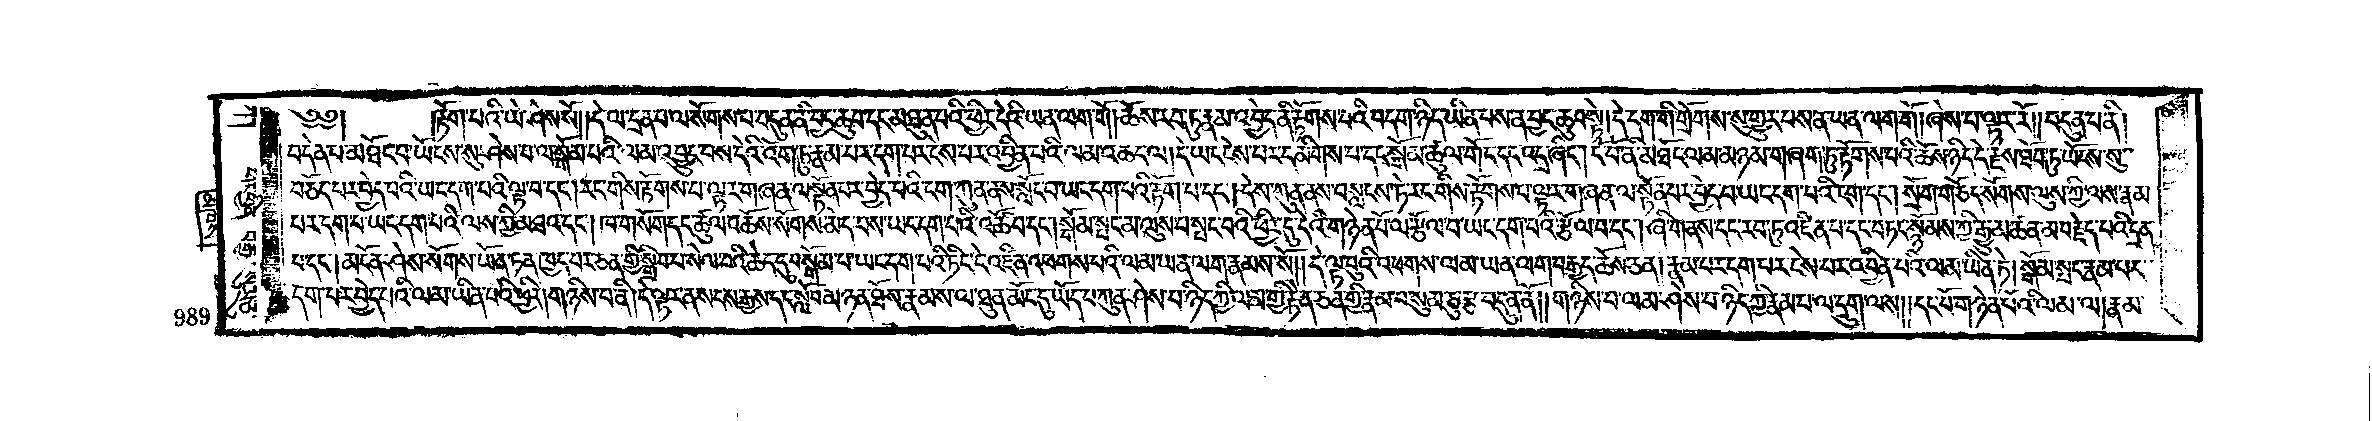༄༅། །རྟོག་པའི་ཡེ་ཤེས་སོ། །དེ་ལ་དྲན་པ་ལ་སོགས་པ་བདུན་ནི་བྱང་ཆུབ་དང་མཐུན་པའི་ཕྱིར་དེའི་ཡན་ལག་གོ། ཆོས་རབ་ཏུ་རྣམ་འབྱེད་ནི་རྟོགས་པའི་བདག་ཉིད་ཡིན་པས་ན་བྱང་ཆུབ་སྟེ། དེ་དག་གི་གྲོགས་སུ་གྱུར་པས་ན་ཡན་ལག་གོ། ཞེས་པ་ལྟར་རོ། །བདུན་པ་ནི།
བདེན་པ་མཐོང་བ་ཡོངས་སུ་ཤེས་པ་ལ་སྒོམ་པའི་ལམ་འབྱུང་བས་དེའི་འོག་ཏུ་རྣམ་པར་དག་པར་ངེས་པར་འབྱིན་པའི་ལམ་འཆད་ལ། དེ་ཡང་ངེས་པར་དམིགས་པ་དང་སྒོམ་ཚུལ་གོང་དང་འདྲ་ཞིང་། ངོ་བོ་ནི་མཐོང་ལམ་མཉམ་གཞག་ཏུ་རྟོགས་པའི་ཆོས་ཉིད་དེ་རྗེས་ཐོབ་ཏུ་ཡོངས་སུ་
བཅོད་པར་བྱེད་པའི་ཡང་དག་པའི་ལྟ་བ་དང་། རང་གིས་རྟོགས་པ་ལྟར་གཞན་ལ་སྟོན་པར་བྱེད་པའི་ངག་ཀུན་ནས་སློང་བ་ཡང་དག་པའི་རྟོག་པ་དང་། དེས་ཀུན་ནས་བསླངས་ཏེ་རང་གིས་རྟོགས་པ་ལྟར་གཞན་ལ་སྟོན་པར་བྱེད་པ་ཡང་དག་པའི་ངག་དང་། སྲོག་གཅོད་སོགས་ལུས་ཀྱི་ལས་རྣམ་
པར་དག་པ་ཡང་དག་པའི་ལས་ཀྱི་མཐའ་དང་། ཁ་གསོག་དང་ཚུལ་འཆོས་སོགས་མེད་པས་ཡང་དག་པའི་འཚོ་བ་དང་། སྒོམ་སྤང་མ་ལུས་པ་སྤང་བའི་ཕྱིར་དུ་དེའི་གཉེན་པོ་ལ་རྩོལ་བ་ཡང་དག་པའི་རྩོལ་བ་དང་། ཞི་གནས་དང་རབ་ཏུ་འཛིན་པ་དང་བཏང་སྙོམས་ཀྱི་རྒྱུ་མཚན་མ་བརྗེད་པའི་དྲན་
པ་དང་། མངོན་ཤེས་སོགས་ཡོན་ཏན་ཁྱད་པར་ཅན་གྱི་སྒྲིབ་པ་སེལ་བའི་ཆེད་དུ་བསྒོམ་པ་ཡང་དག་པའི་ཏིང་ངེ་འཛིན་འཕགས་པའི་ལམ་ཡན་ལག་རྣམས་སོ། །དེ་ལྟ་བུའི་འཕགས་ལམ་ཡན་ལག་བརྒྱད་ཆོས་ཅན། རྣམ་པར་དག་པར་ངེས་པར་འབྱིན་པའི་ལམ་ཡིན་ཏེ། སྒོམ་སྤང་རྣམ་པར་
དག་པར་བྱེད་པའི་ལམ་ཡིན་པའི་ཕྱིར། གཉིས་པ་ནི། དེ་ལྟར་ན་སངས་རྒྱས་དང་སློབ་མ་ཉན་ཐོས་རྣམས་ལ་ཐུན་མོང་དུ་ཡོད་པ་ཀུན་ཤེས་པ་ཉིད་ཀྱི་ལམ་གྱི་རྟེན་ཅན་གྱི་རྣམ་པ་སུམ་ཅུ་རྩ་བདུན་ནོ། །གཉིས་པ་ལམ་ཤེས་པ་ཉིད་ཀྱི་རྣམ་པ་ལ་དྲུག་ལས། །དང་པོ་གཉེན་པོའི་ལམ་ལ། རྣམ་